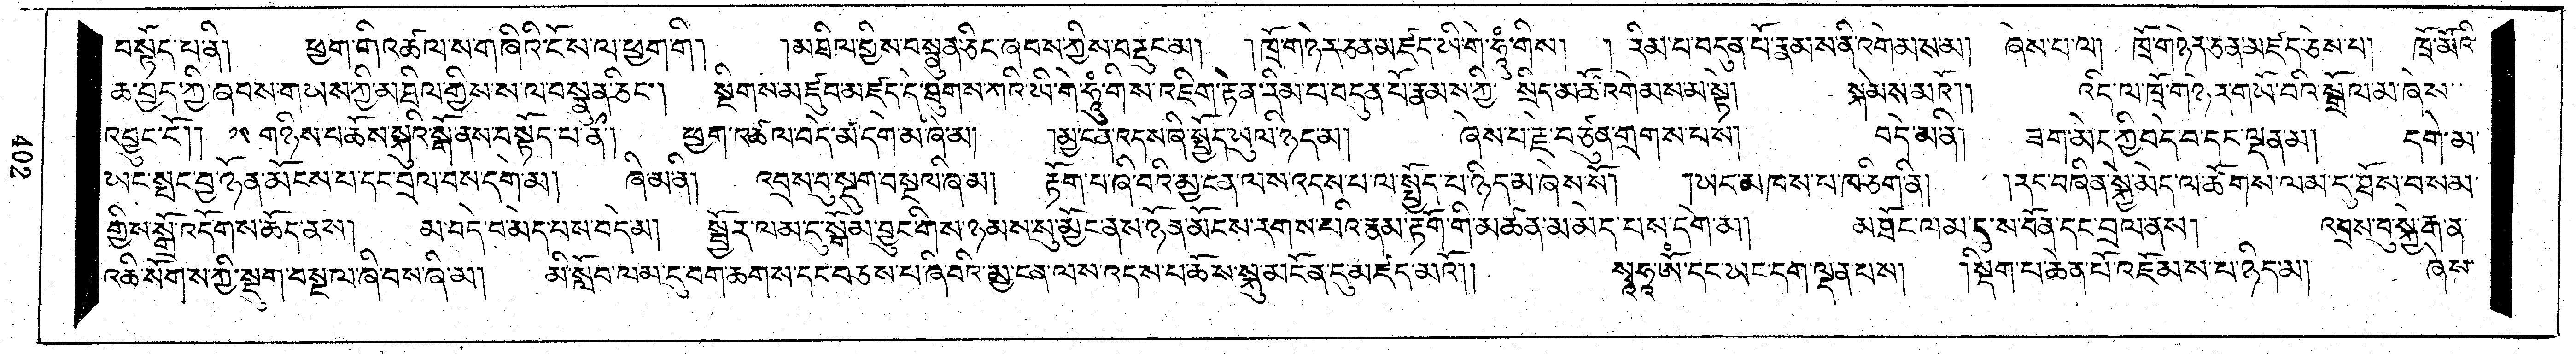བསྟོད་པ་ནི། ཕྱག་གི་འཚལ་ས་གཞིའི་ངོས་ལ་ཕྱག་གི། །མཐིལ་གྱིས་བསྣུན་ཅིང་ཞབས་ཀྱིས་བརྡུང་མ། །ཁྲོ་གཉེར་ཅན་མཛད་ཡི་གེ་ཧཱུཾ་གིས། །རིམ་པ་བདུན་པོ་རྣམས་ནི་འགེམས་མ། ཞེས་པ་ལ། ཁྲོ་གཉེར་ཅན་མཛད་ཅེས་པ། ཁྲོ་མོའི་
ཆ་བྱད་ཀྱི་ཞབས་གཡས་ཀྱི་མཐིལ་གྱིས་ས་ལ་བསྣུན་ཅིང་། སྡིགས་མཛུབ་མཛད་དེ་ཐུགས་ཀའི་ཡི་གེ་ཧཱུཾ་གིས་འཇིག་རྟེན་རིམ་པ་བདུན་པོ་རྣམས་ཀྱི་སྲིད་མཚོ་འགེམས་མ་སྟེ། སྐེམས་མའོ།། འདི་ལ་ཁྲོ་གཉེར་གཡོ་བའི་སྒྲོལ་མ་ཞེས་
འབྱུང་ངོ།། ༡༤་གཉིས་པ་ཆོས་སྐུའི་སྒོ་ནས་བསྟོད་པ་ནི། ཕྱག་འཚལ་བདེ་མ་དགེ་མ་ཞི་མ། །མྱ་ངན་འདས་ཞི་སྤྱོད་ཡུལ་ཉིད་མ། ཞེས་པ་རྗེ་བཙུན་གྲགས་པས། བདེ་མ་ནི། ཟག་མེད་ཀྱི་བདེ་བ་དང་ལྡན་མ། དགེ་མ་
ཡང་སྤང་བྱ་ཉོན་མོངས་པ་དང་བྲལ་བས་དགེ་མ། ཞི་མ་ནི། འབྲས་བུ་སྡུག་བསྔལ་ཞི་མ། རྟོག་པ་ཞི་བའི་མྱ་ངན་ལས་འདས་པ་ལ་སྤྱོད་པ་ཉིད་མ་ཞེས་སོ། །ཡང་མཁས་པ་ཁ་ཅིག་ནི། །རང་བཞིན་སྐྱེ་མེད་ལ་ཚོགས་ལམ་དུ་ཐོས་བསམ་
གྱིས་སྒྲོ་འདོགས་ཆོད་ནས། མ་བདེ་བ་མེད་པས་བདེ་མ། སྦྱོར་ལམ་དུ་སྒོམ་བྱུང་གིས་ཉམས་སུ་མྱོང་ནས་ཉོན་མོངས་རགས་པའི་རྣམ་རྟོག་གི་མཚན་མ་མེད་པས་དགེ་མ། མཐོང་ལམ་དུ་ས་བོན་དང་བྲལ་ནས། འབྲས་བུ་སྐྱེ་རྒ་ན་
འཆི་སོགས་ཀྱི་སྡུག་བསྔལ་ཞི་བས་ཞི་མ། མི་སློབ་ལམ་དུ་བག་ཆགས་དང་བཅས་པ་ཞི་བའི་མྱ་ངན་ལས་འདས་པ་ཆོས་སྐུ་མངོན་དུ་མཛད་མའོ།། སྭཱ་ཧཱ་ཨོཾ་དང་ཡང་དག་ལྡན་པས། །སྡིག་པ་ཆེན་པོ་འཇོམས་པ་ཉིད་མ། ཞེས་